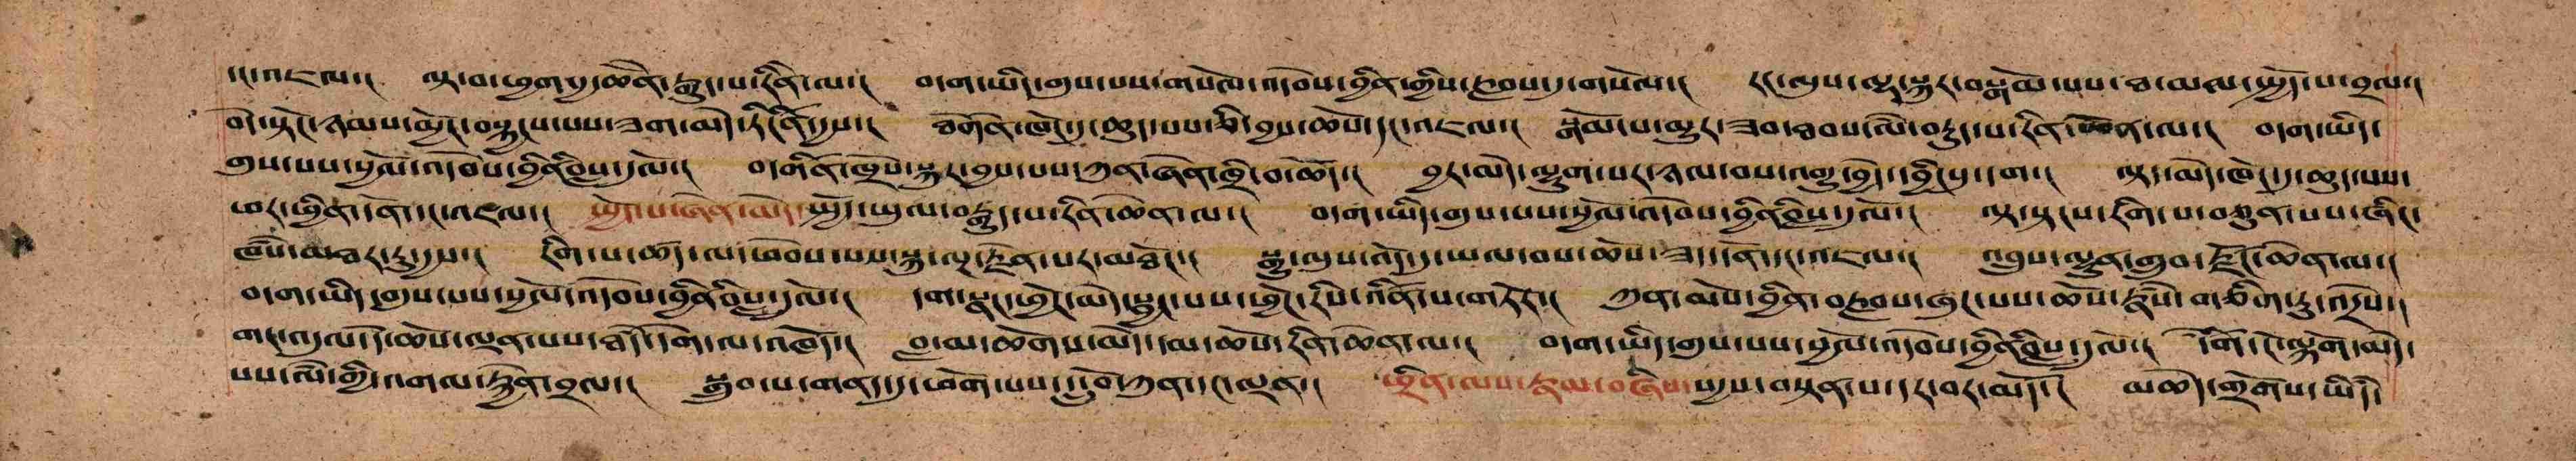དང་འཇལ། ལྟ་བ་ཕྱག་རྒྱ་ཆེན་པོ་རྒྱུད་པ་རིན་ཆེན་ལ། བདག་ཡིད་གུས་པས་གསོལ་འདེབས་བྱིན་གྱིས་རླབས་དུ་གསོལ། རང་ལུས་ལྷ་སྐུར་བསྒོམས་པས་ཐ་མལ་སྤྱོད་པ་བྲལ། 
བདེ་སྟོང་ཉམས་མྱོང་བསྐྱངས་པས་ཟག་མེད་ཏིང་འཛིན་རྒྱས། ཐེག་ཆེན་ཁོང་དུ་ཆུད་པས་ཅི་བྱས་ཆོས་དང་འཇལ། སྒོམ་པ་མྱུར་ཟབ་ཐབས་ལི་བརྒྱུད་པ་རིན་ཆེན་ལ། བདག་ཡིད་
གུས་པས་གསོལ་འདེབས་བྱིན་གྱིས་བརླབས་དུ་གསོལ། བདག་འཛིན་ཁྲོས་སྐུར་བྱས་པས་ཀུན་ཞེན་ཁྲི་བ་ཆོད། བྱར་མེད་ལྷུག་པར་ཉལ་བས་འགྱུ་བྱེད་དབྱིངས་སུ་དག། ལྟད་མེད་ཁོང་དུ་ཆུད་པས་
ཕར་ཕྱིན་དོན་དང་འཇལ། སྤྱོད་པ་ཞེན་མེད་སྤྱོད་ཡུལ་བརྒྱུད་པ་རིན་ཆེན་ལ། བདག་ཡིད་གུས་པས་གསོལ་འདེབས་བྱིན་གྱིས་རླབས་དུ་གསོལ། ལྟ་སྟངས་རིག་པ་བཅུན་པས་ཞིང་
ཁམས་མཐར་རུ་རྒྱས། རིག་པ་ཚད་ལ་ཕེབས་པས་སྐུ་ལྔ་རྗེས་པར་མཐོང་། སྒྱུ་ལུས་འོད་དུ་ཡལ་བས་ཆོས་ཟད་དོན་དང་འཇལ། འབྲས་བུས་ལྷུན་གྲུབ་རྫོང་ཆེན་ལ། 
བདག་ཡིད་གགུས་པས་གསོལ་འདེབས་བྱིན་གྱིས་བརླབས་དུ་གསོལ། དག་སྣང་ཕྱོགས་མེད་སྦྱང་པས་ཕྱོགས་རིས་འཛིན་པ་གཏོར། ཀུན་མོས་བྱིན་བརླབས་ཞུགས་པས་ཆོས་རྣམས་གཅིིག་ཏུ་འདྲེས། 
གང་འདུལ་དཾ་ཆོས་ལྡན་པས་ཐམས་ཅད་དགེ་ལ་འཁོད། བླ་མ་ཆོགས་མེད་དམ་ཆོས་རིན་ཆེན་ལ། བདག་ཡིད་གུས་པས་གསོལ་འདེབས་བྱིན་གྱིས་བརློབས་དུ་གསོལལ། དམ་ཚིག་ངོ་ལྐོག་མེད་
པས་ལམ་གྱི་འགལ་རྐྱེན་བྲལ། སྒྲུབ་པ་གནད་དུ་ཕོག་པས་དངོས་གྲུབ་ཀུན་དང་ལྡན། ཕྲིན་ལས་རྣམ་བཞིས་སངས་རྒྱས་བསྟན་པ་དར་བར་མཛོད། མཆེད་གྲོགས་ཡིད་དམ་